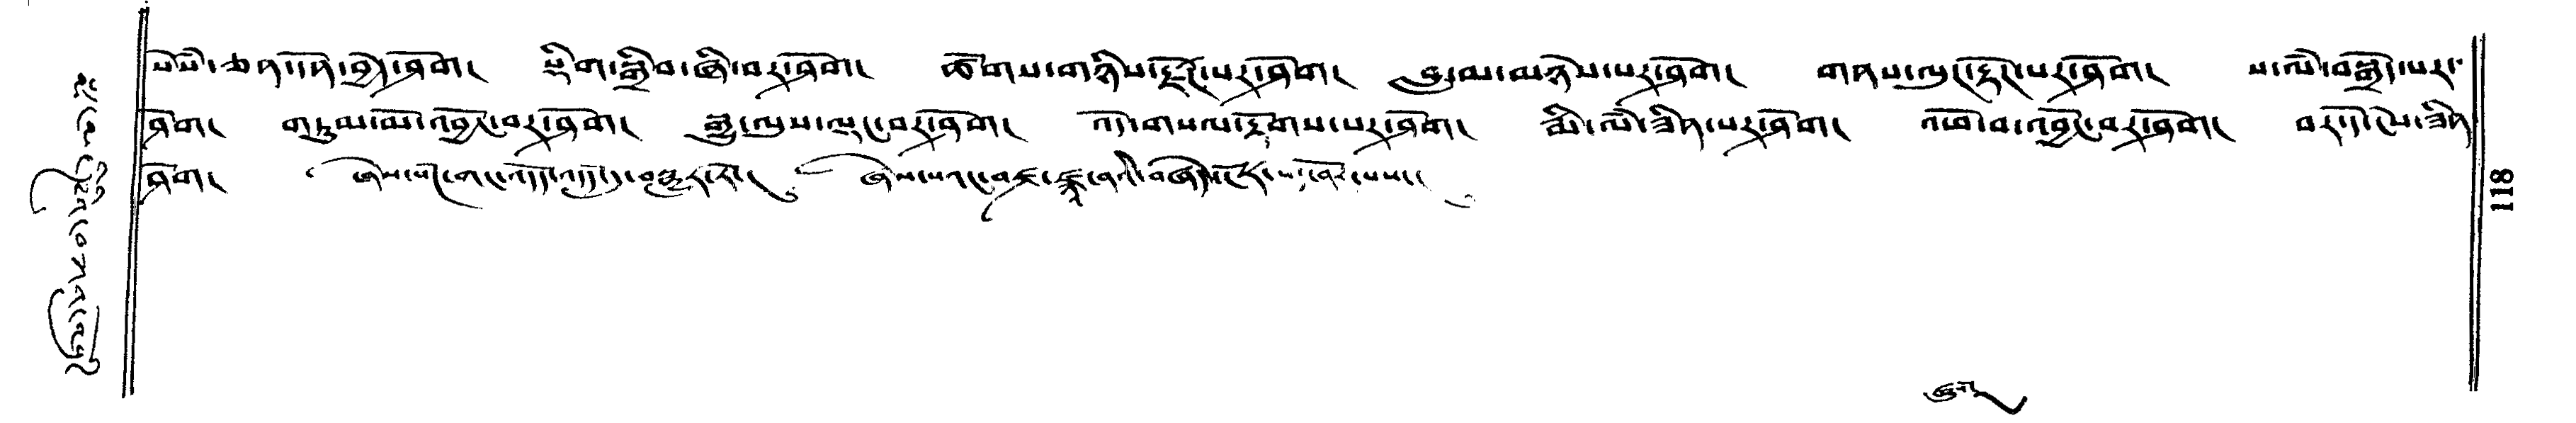སེམས་ཅན་དོན་བྱེད་ཤོག སྡིག་སྒྲིབ་ཞི་བར་ཤོག ཚོགས་གཉིས་རྫོགས་པར་ཤོག བླ་མ་མཉེས་པར་ཤོག གནས་ལུགས་རྟོགས་པར་ཤོག ས་ལམ་བགྲོད་པར་
ཤོག གཏུམ་མོ་འབྱོངས་བར་ཤོག སྒྱུ་ལུས་ལྡང་བར་ཤོག འོད་གསལ་རྟོགས་པར་ཤོག རྨི་ལམ་ཟིན་པར་ཤོག འཕོ་བ་འབྱོངས་བར་ཤོག བར་དོ་ངོས་ཟིན
་ཤོག ཞེས་སོགས་གང་འདོད་འདོད་དུ་བསྒྱུར་རོ། ཞེས་པའང་བཛྲ་ཛྙཱ་ནའི་བཞེད་ངོར་པད་ནོར་པས་སོ། དགེའོ།།